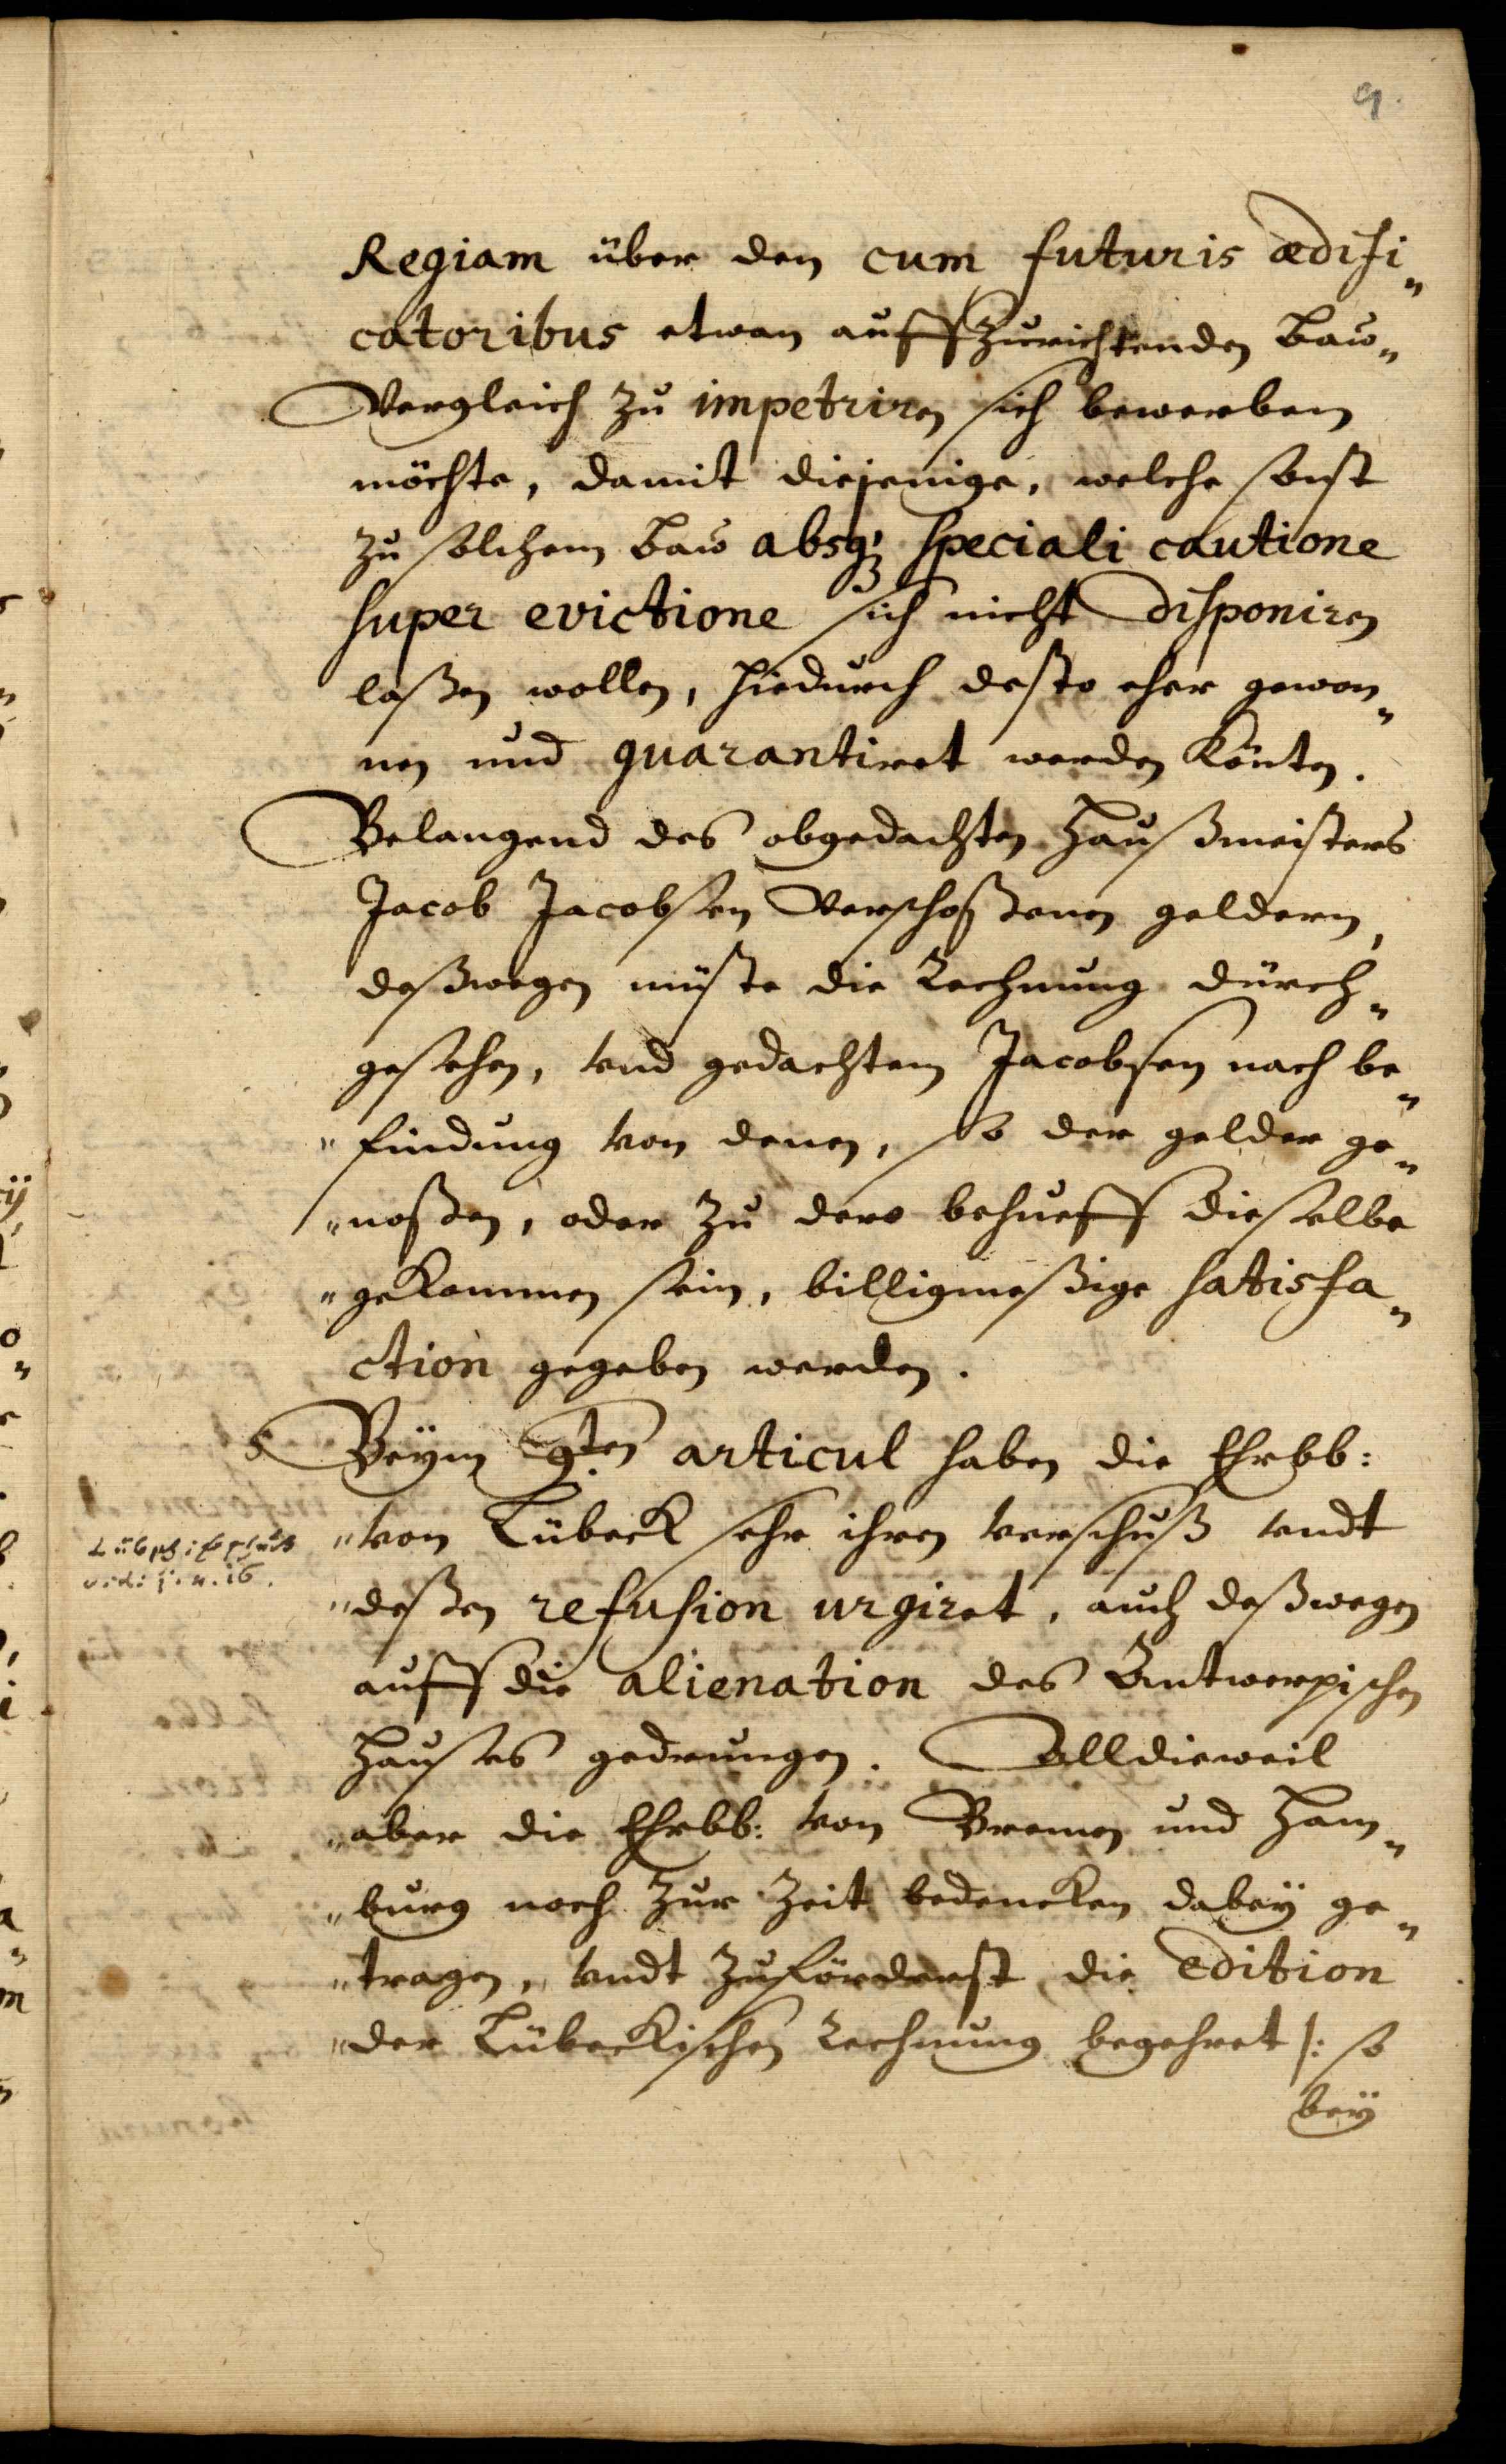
Regiam über den cum futuris aedifi¬
catoribis etwan auffzurichtenden Baw¬
Vergleich zu impetriren sich bewerben
möchte, damit diejenige, welche sonst
zu solchem Baw absque speciali cautione
super evictione sich nicht disponiren
laßen wollen, hiedurch desto eher gewon¬
nen und quarantiret werden könten.
Belangend des obgedachten Hausmeisters
Jacob Jacobsen verschoßenen geldern,
deßwegen müßte die Rechnung dürch¬
gesehen, vnd gedachtem Jacobsen nach be¬
findung von denen, so der gelder ge¬
noßen, oder zu dero behueff dieselbe
gekommen sein, billigmeßige satisfa¬
ction gegeben werden.
Beijm 9.ten articul haben die Ehrbb:
von Lübeck sehr ihren verschuß vndt
deßen refusion urgiret, auch deßwegen
auff die alienation des Antwerpischen
Hauses gedrungen. Alldieweil
aber die Ehrbb: von Bremen vnd Ham¬
burg noch zur Zeit bedencken dabeij ge¬
tragen, vndt zuförderst die edition
der Lübeckischen Rechnung begehret |: so
beij
Lübsch implus
vidi i. n. 16.
